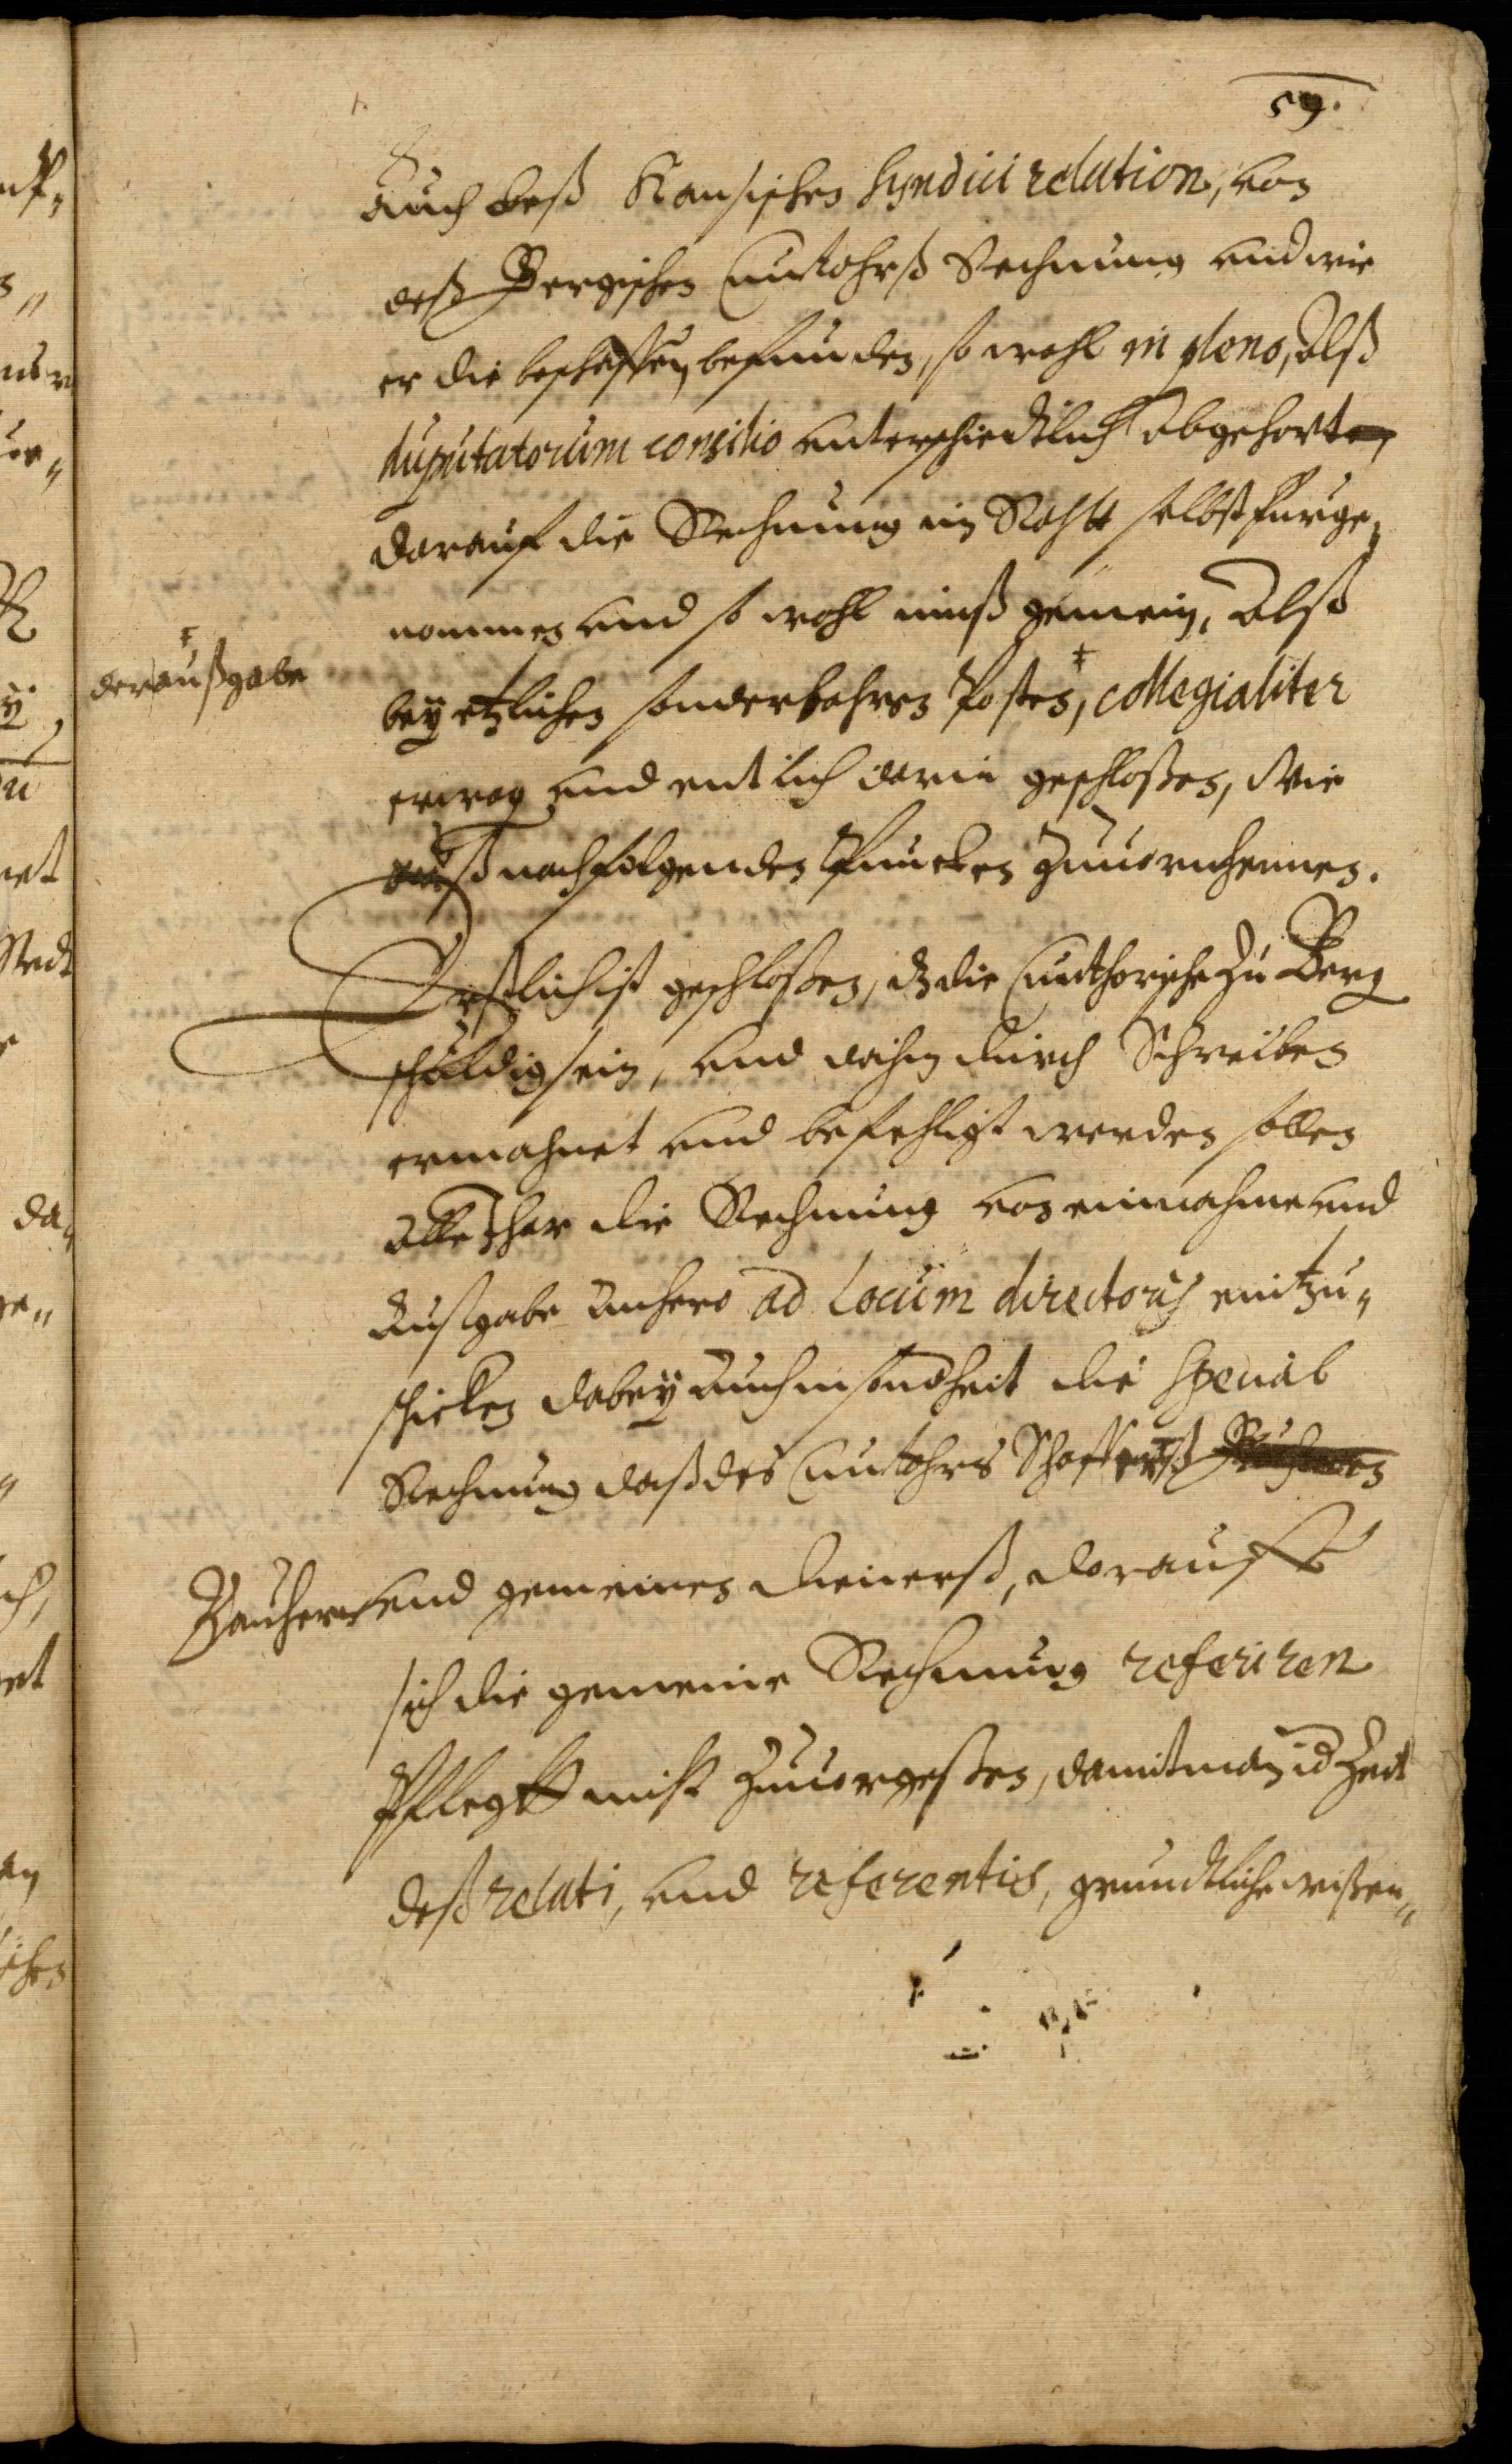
59.
auch deß Hansischen Syndici relation, von
deß Bergischen Cuntohrß Rechnung vnd wie
er die beschaffen befunden, so wohl in pleno, Alß
duputatorum consilio unterschiedtlich Abgehorten
darauf die Rechnung im Rahtt selbst furge¬
nommen vnd so wohl eineß gemeinen, Alß
beij etzlichen sonderbahren Posten, F collegialiter
erwogen vnd entlich darin geschloßen, Wie
auß nachfolgenden Punkten zuuernhemen.
F
der außgabe
Erstlich ist geschlossen, das die Cunthorische zu Bergen
schuldig sein, vnd dahin durch Schreiben
ermahnet vnd befehligt werden sollen
alle Jhar die Rechnung von einnahme vnd
Außgabe Anhero ad Locum directoris eintzu¬
schicken dabeij Auch in sonderheit die Special
Rechnung daß des Cuntohrs Shafferß Bauheren
Bauher vnd gemeinen dienerß, dorauff
sich die gemeine Rechnung referiren
Pflegtt nicht zuuergeßen, damitman ider zeit
deß relati, vnd referentis, grundtliche wißen¬
